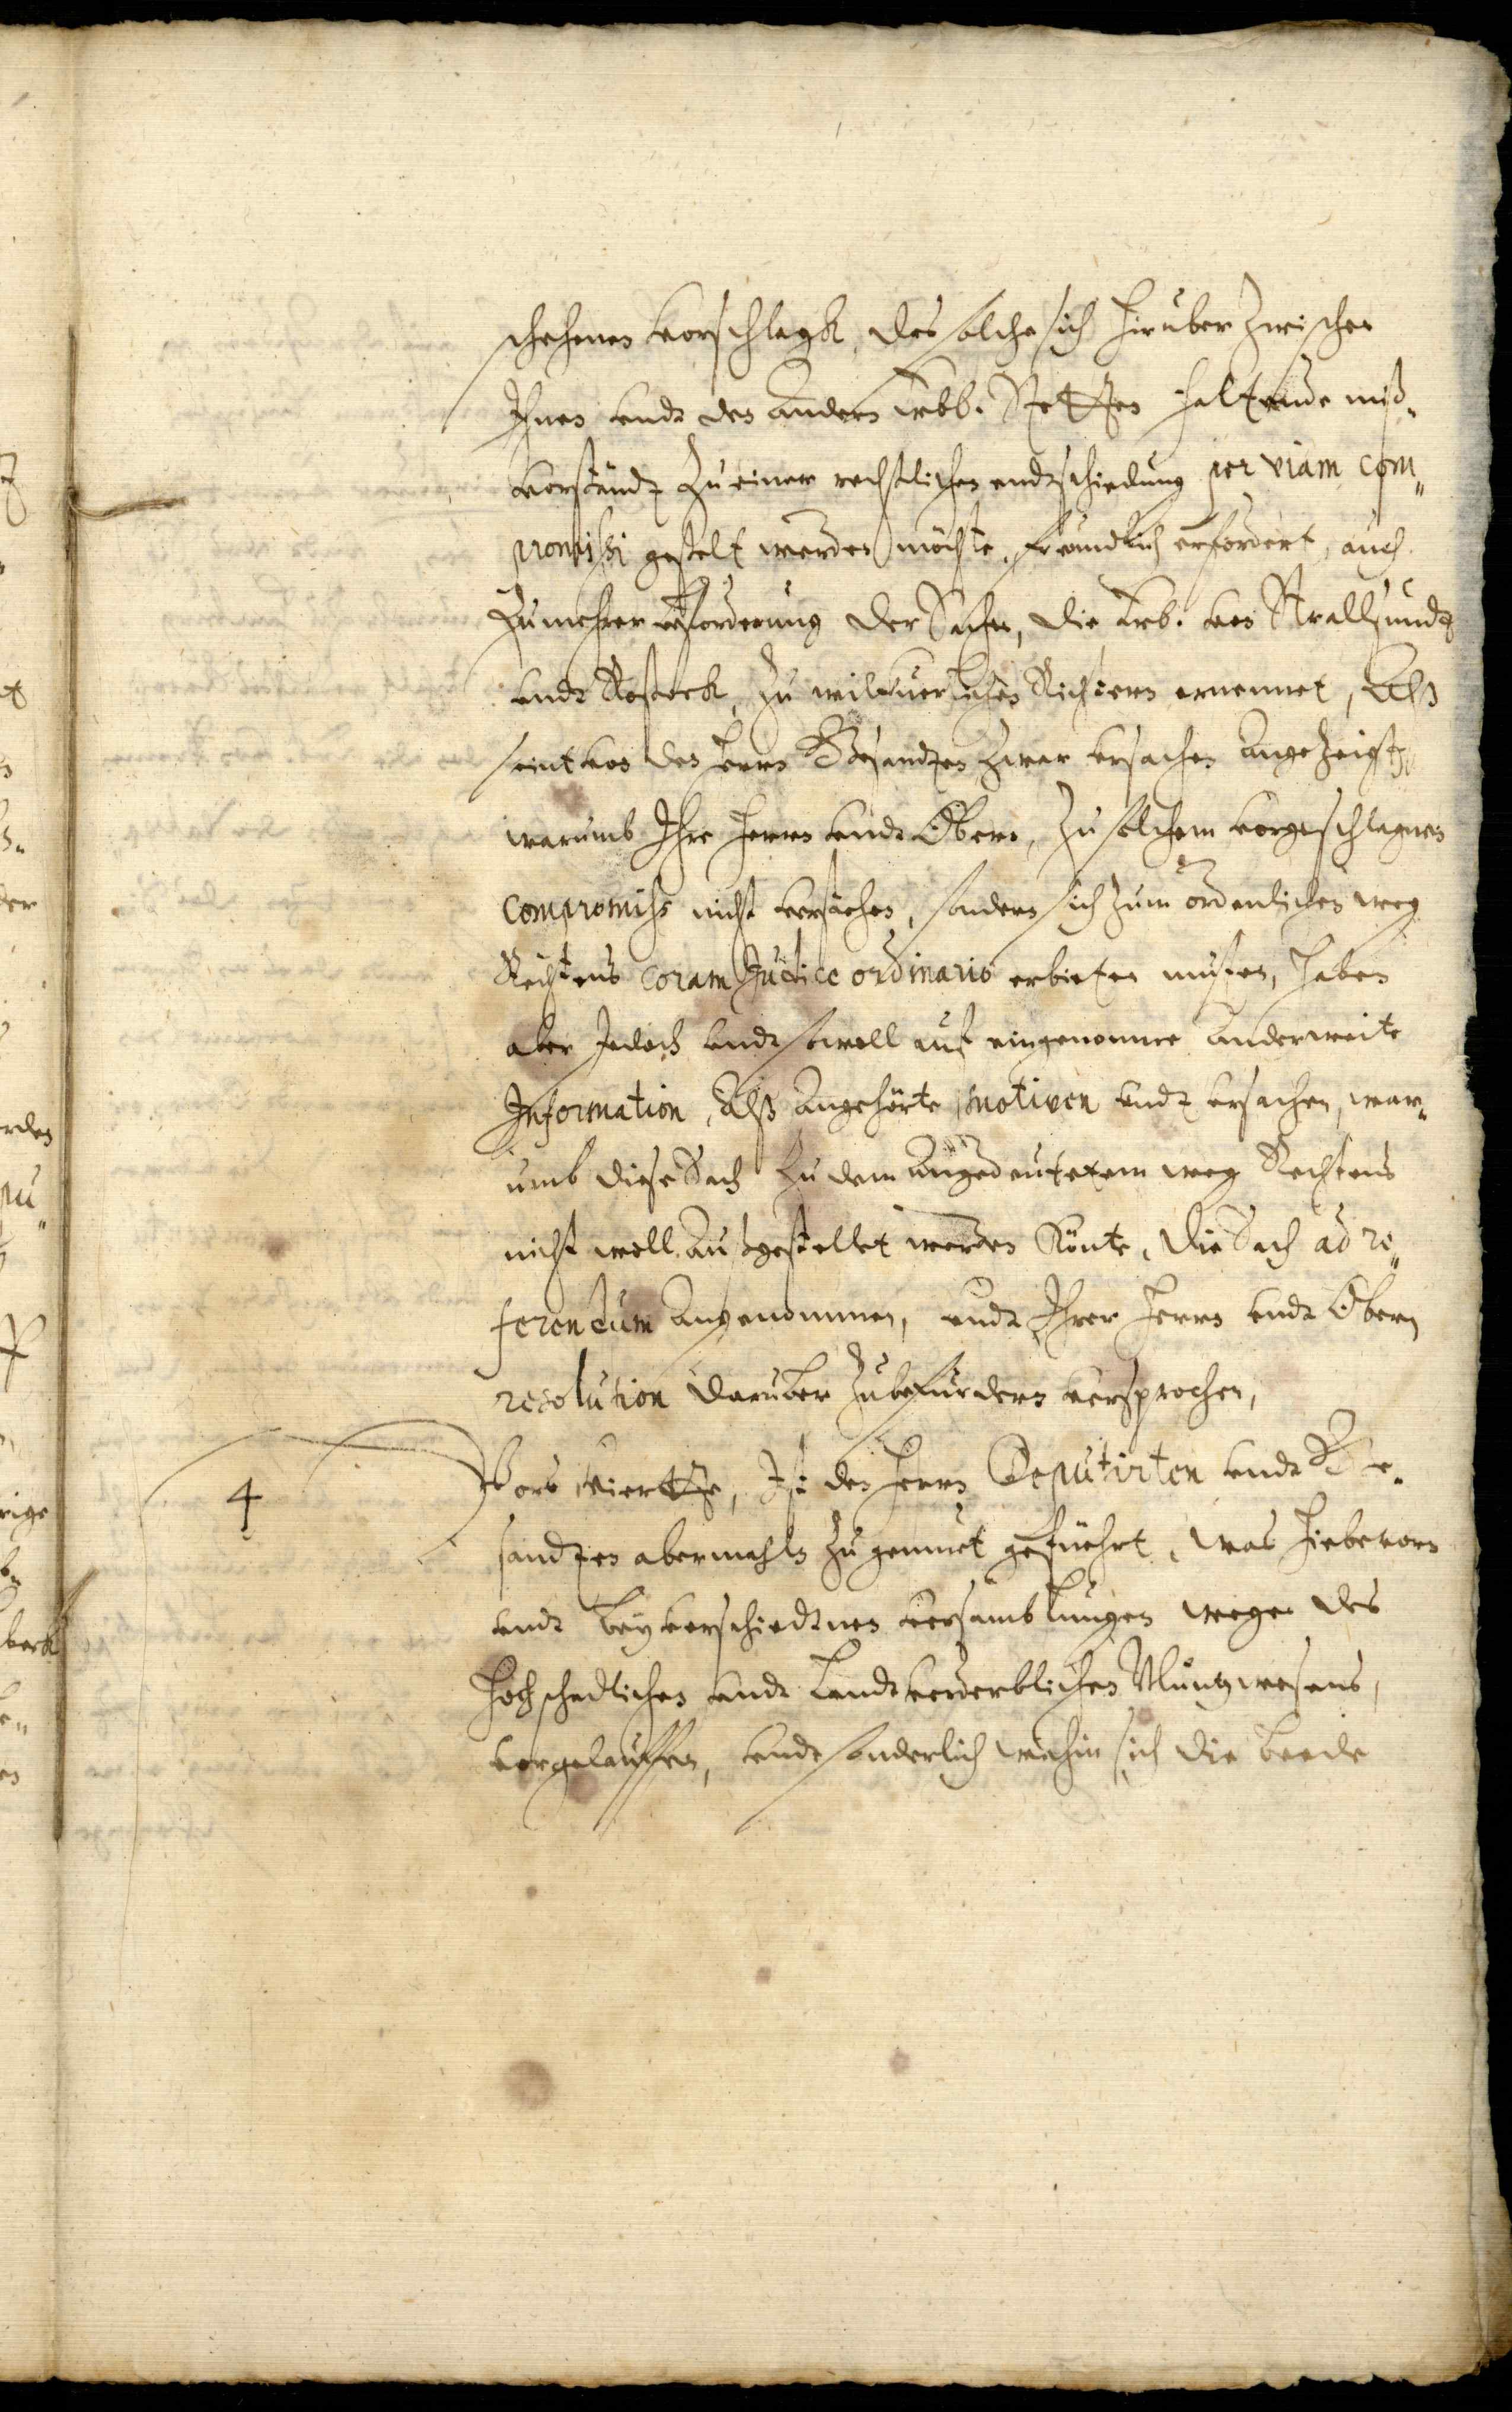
schehenen vorschlagk, das solche sich hiruber zwischen
Ihnen vndt den andern Erbb. Stetten haltende miß¬
vorständt zu einer rechtlichen endtschiedung per viam com¬
promissi gestelt werden möchte, freundlich erfordert, auch
zu mehrer beforderung der Sachen, die Erb: von Strallsundt
vndt Rostock, zu wilkuerlichen Richtern ernennet, Alß
seint von den Herrn Gesandten zwar vrsachen Angezeigt,
warumb Ihre Herrn vndt Obern, zu solchem vorgeschlagnen
compromiss nicht versächen, sondern sich zum ordenlichen weg
Rechtens coram judice ordinaris erbieten musten, haben
aber jedoch vndt sowoll auf eingenomne Anderweite
Information, Alß Angehörte motiven vndt vrsachen, war¬
umb diese Sach zu dem Angedeutetem weg Rechtens
nicht woll, Außgestellet werden könte, die Sach ad re¬
ferendum Angenommen, vndt Ihrer Herrn undt Obern
resolution daruber zubefurdern versprochen,
4
Vors Viertte, Ist den Herrn Deputirten vndt Ge¬
sandten abermahln zu gemuet gefüehrt, was hiebevorn
vndt beij verschiedtnen versamblungen, wegen des
Hochschedlichen vndt Landtverderblichen Muntzwesens,
vorgelauffen, vndt sonderlich wahin sich die beede
